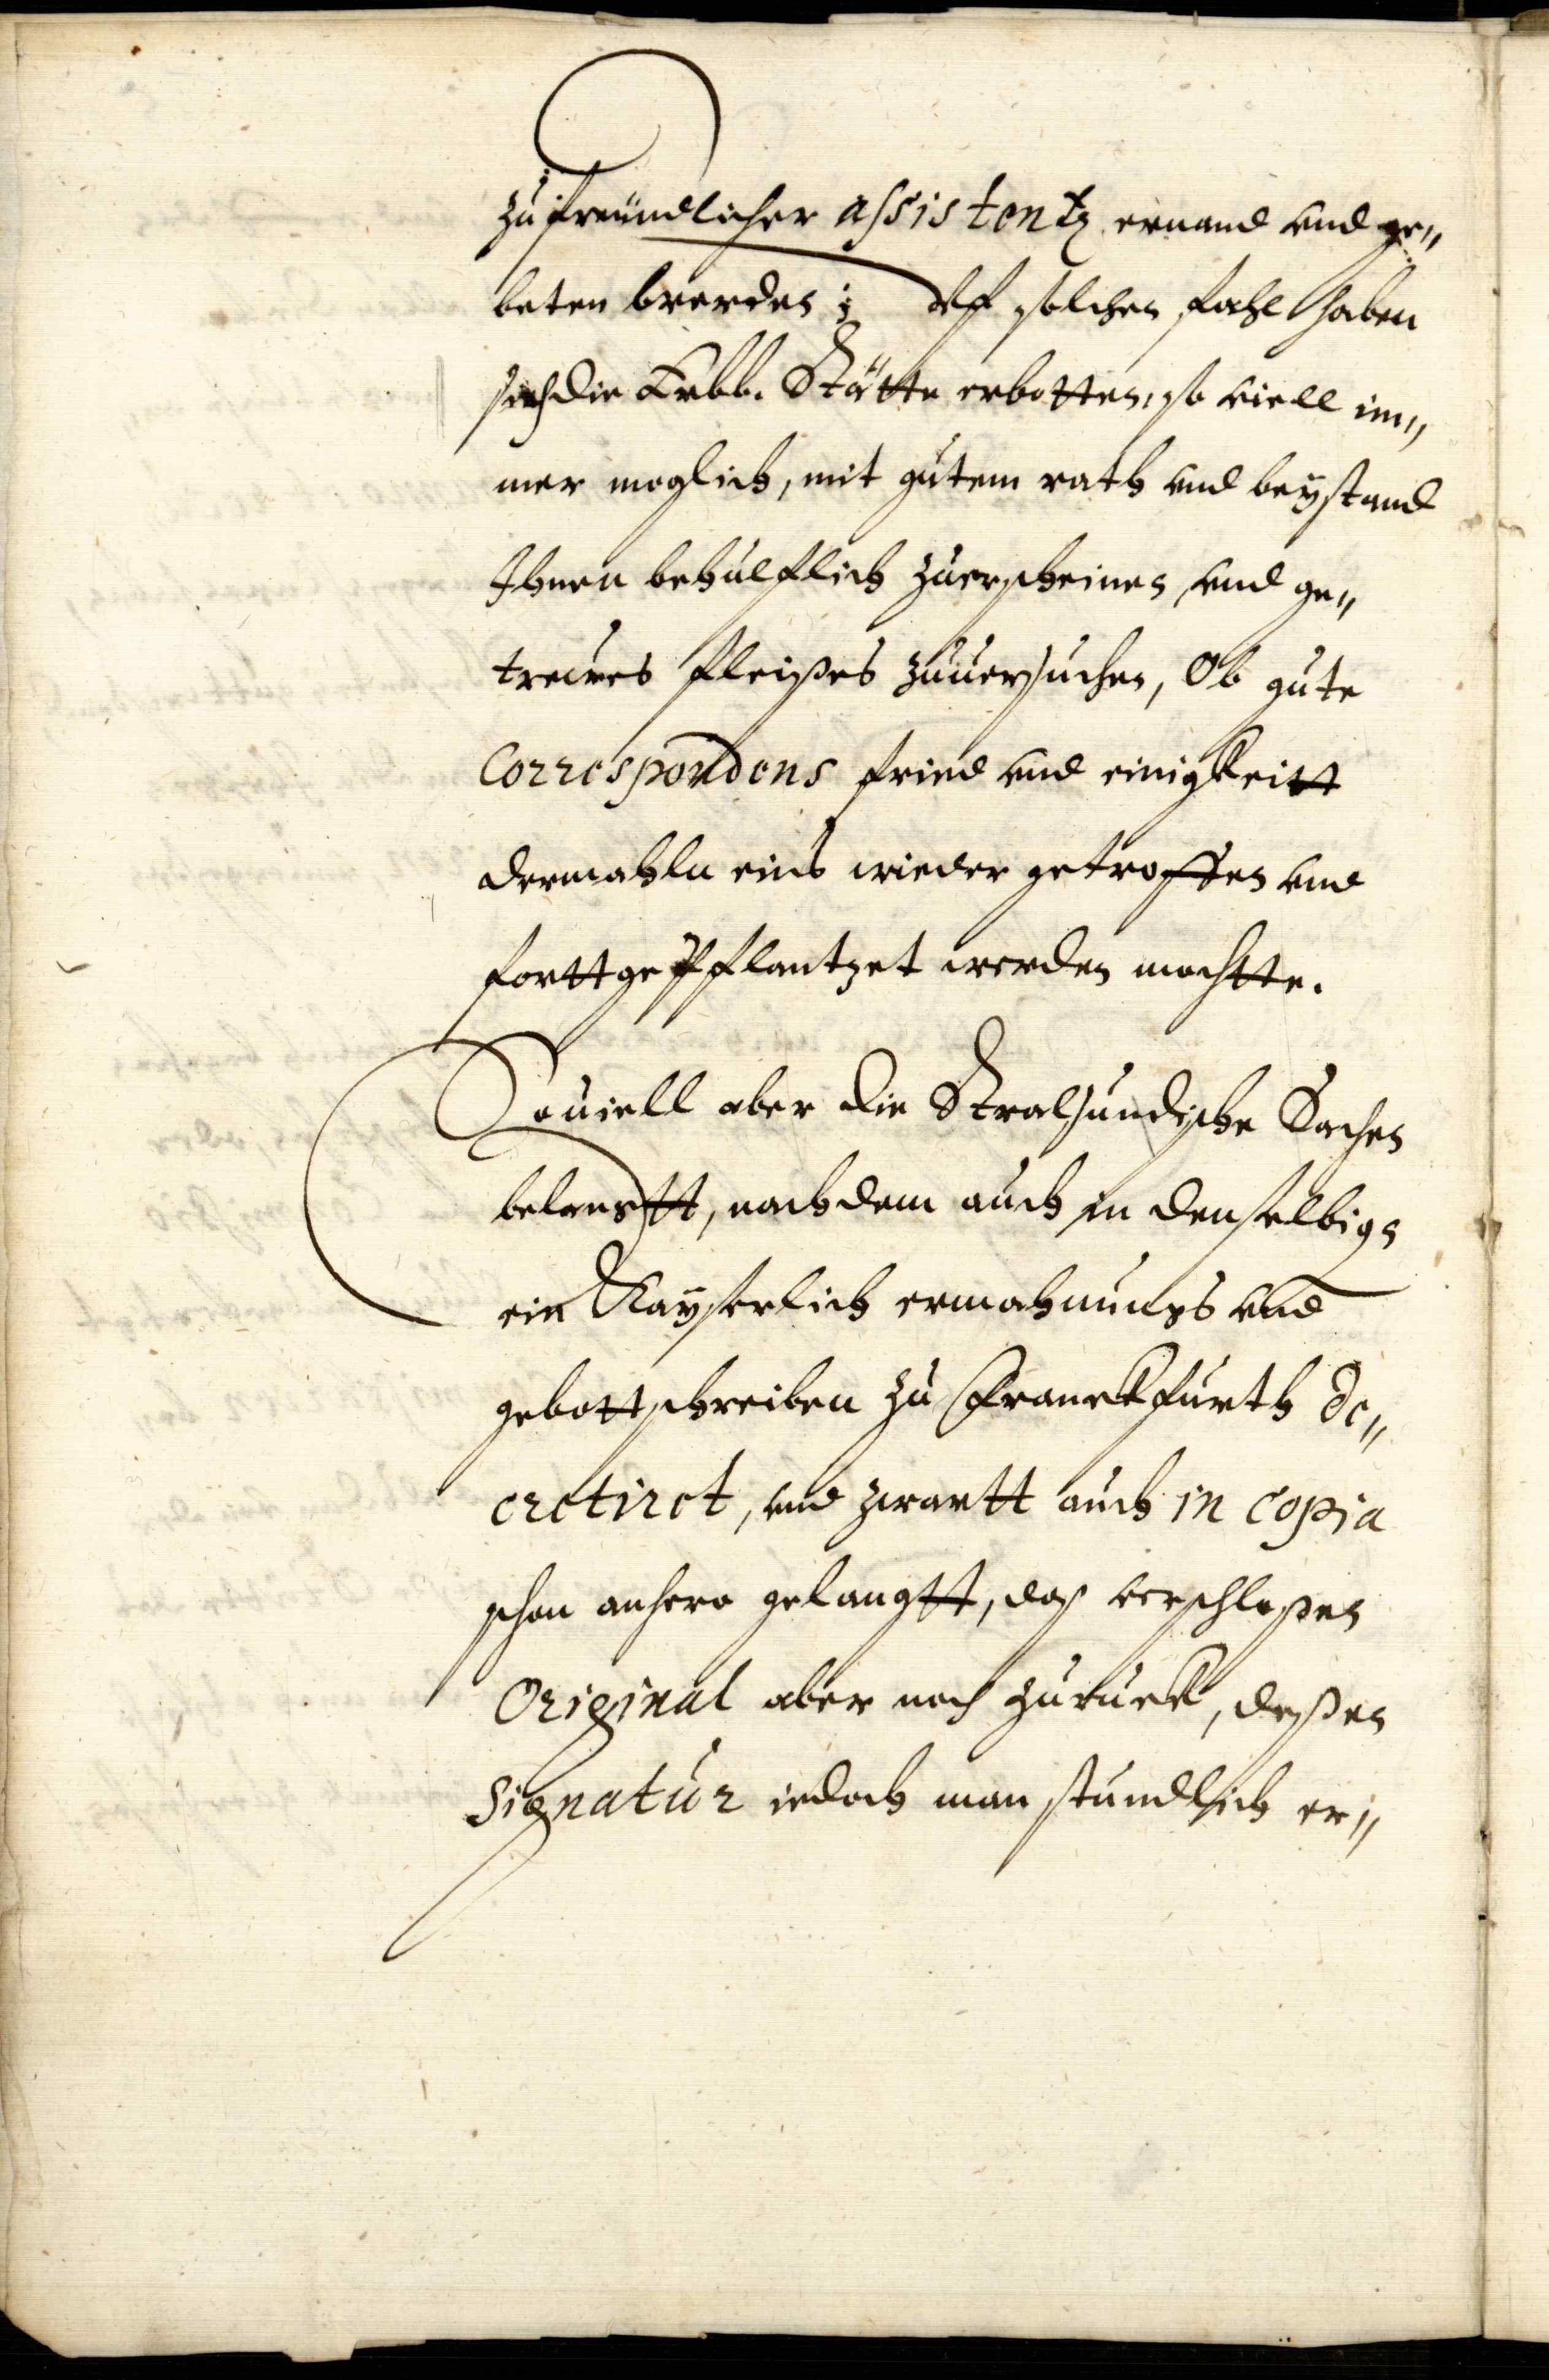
zu freündlicher assistentz ernand vnd ge¬
beten bwerden; Vf solchen fahl haben
sich die Erbb: Stätte erbotten, so viell im¬
mer moglich, mit gutem rath vnd beijstand
Ihnen behulflich zuerscheinen, vnd ge¬
trewes fleißes zuuersuchen, Ob gute
Correspondens fried vnd einigkeitt
dermahln eins wieder getroffen vnd
forttgepflantzet werden mochtte.
Souiell aber die Stralsundische Sachen
belangtt, nach dem auch in denselbigen
ein Kaijserlich ermahnungs vnd
gebottschreiben zu Franckfurth de¬
cretiret, vnd zwartt auch in copia
schon anhero gelangtt, daß verschloßen
Original aber noch zuruck, deßen
Signatur iedoch man stundlich er¬
